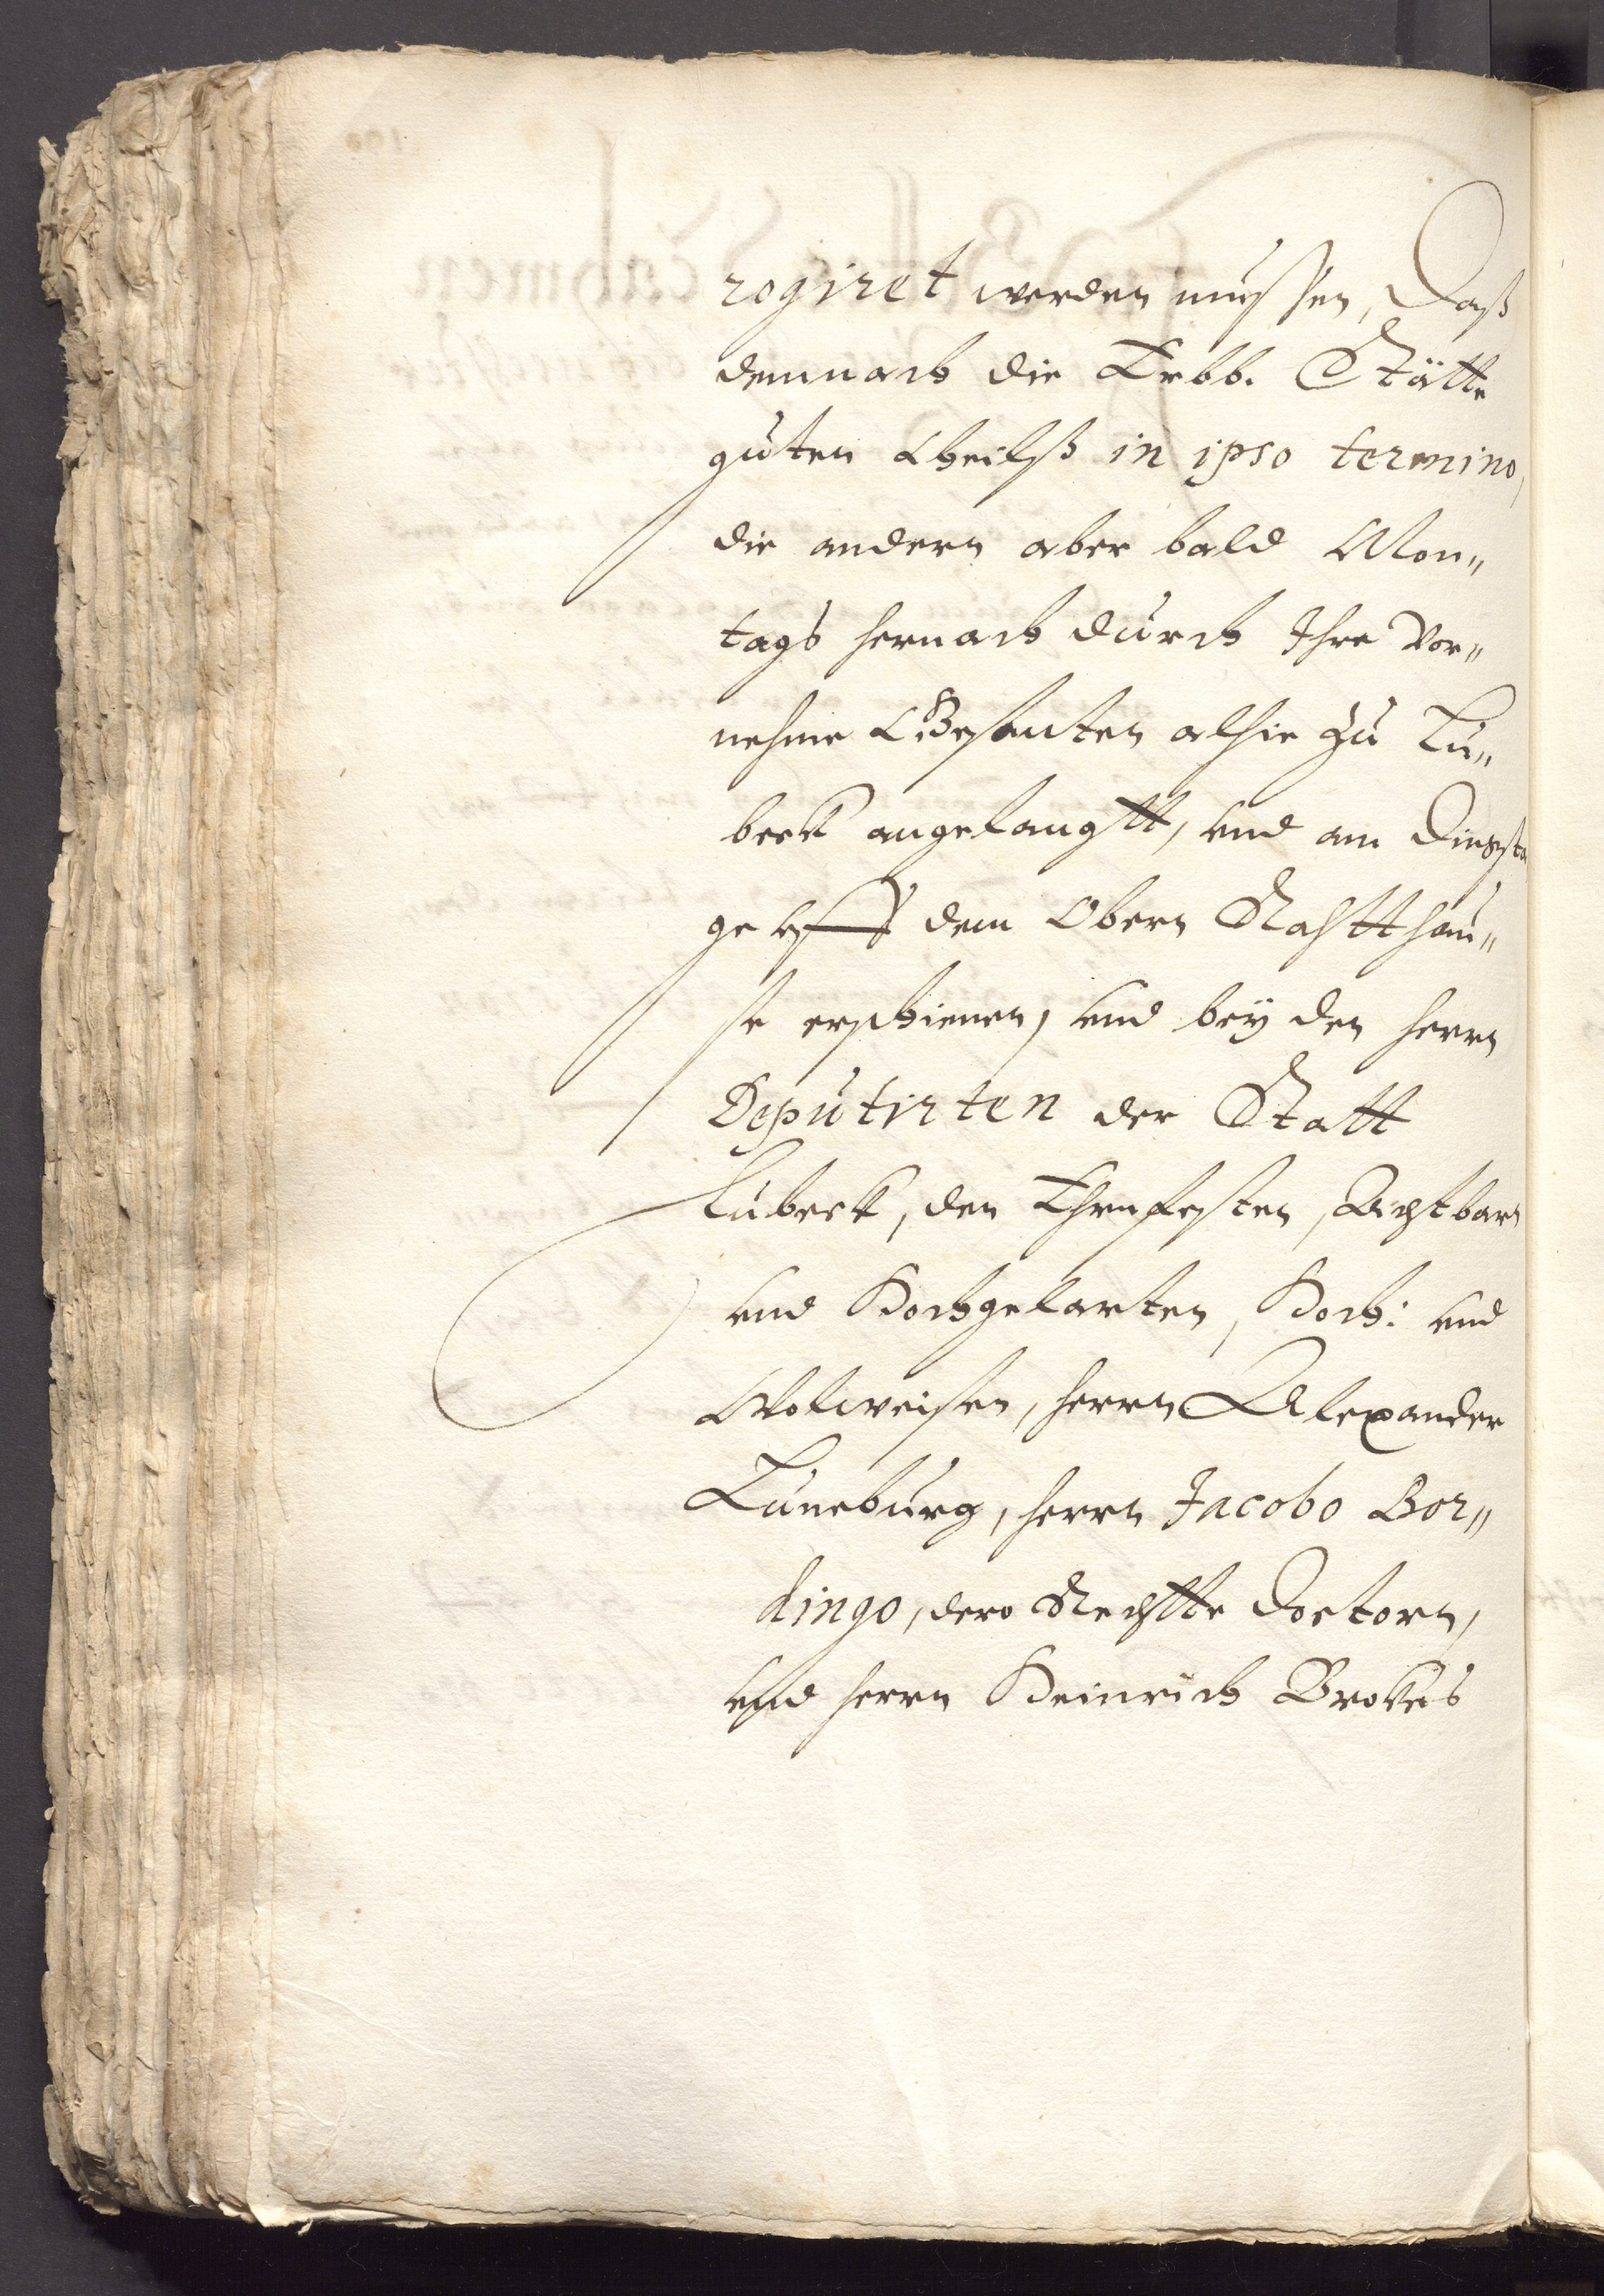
rogiret werden mussen, daß
dennach die Erbb. Stätte
guten theilß in ipso termino,
die andern aber bald Mon¬
tags hernach durch Ihre vor¬
nehme Gesanten alhie zu Lu¬
beck angelangtt, vnd am dichsta¬
ge vff dem Obern Rahtthau¬
se erschienen, vnd beij den herrn
Deputirten der Statt
Lubeck, den Ehrnfesten, Achtbarn
vnd Hochgelarten, Hoch: vnd
Wolweisen, herrn Alexander
Luneburg, herrn Jacobo Bor¬
dingo, dero Rechtte Doctorn
vnd herrn Heinrich Brokes
